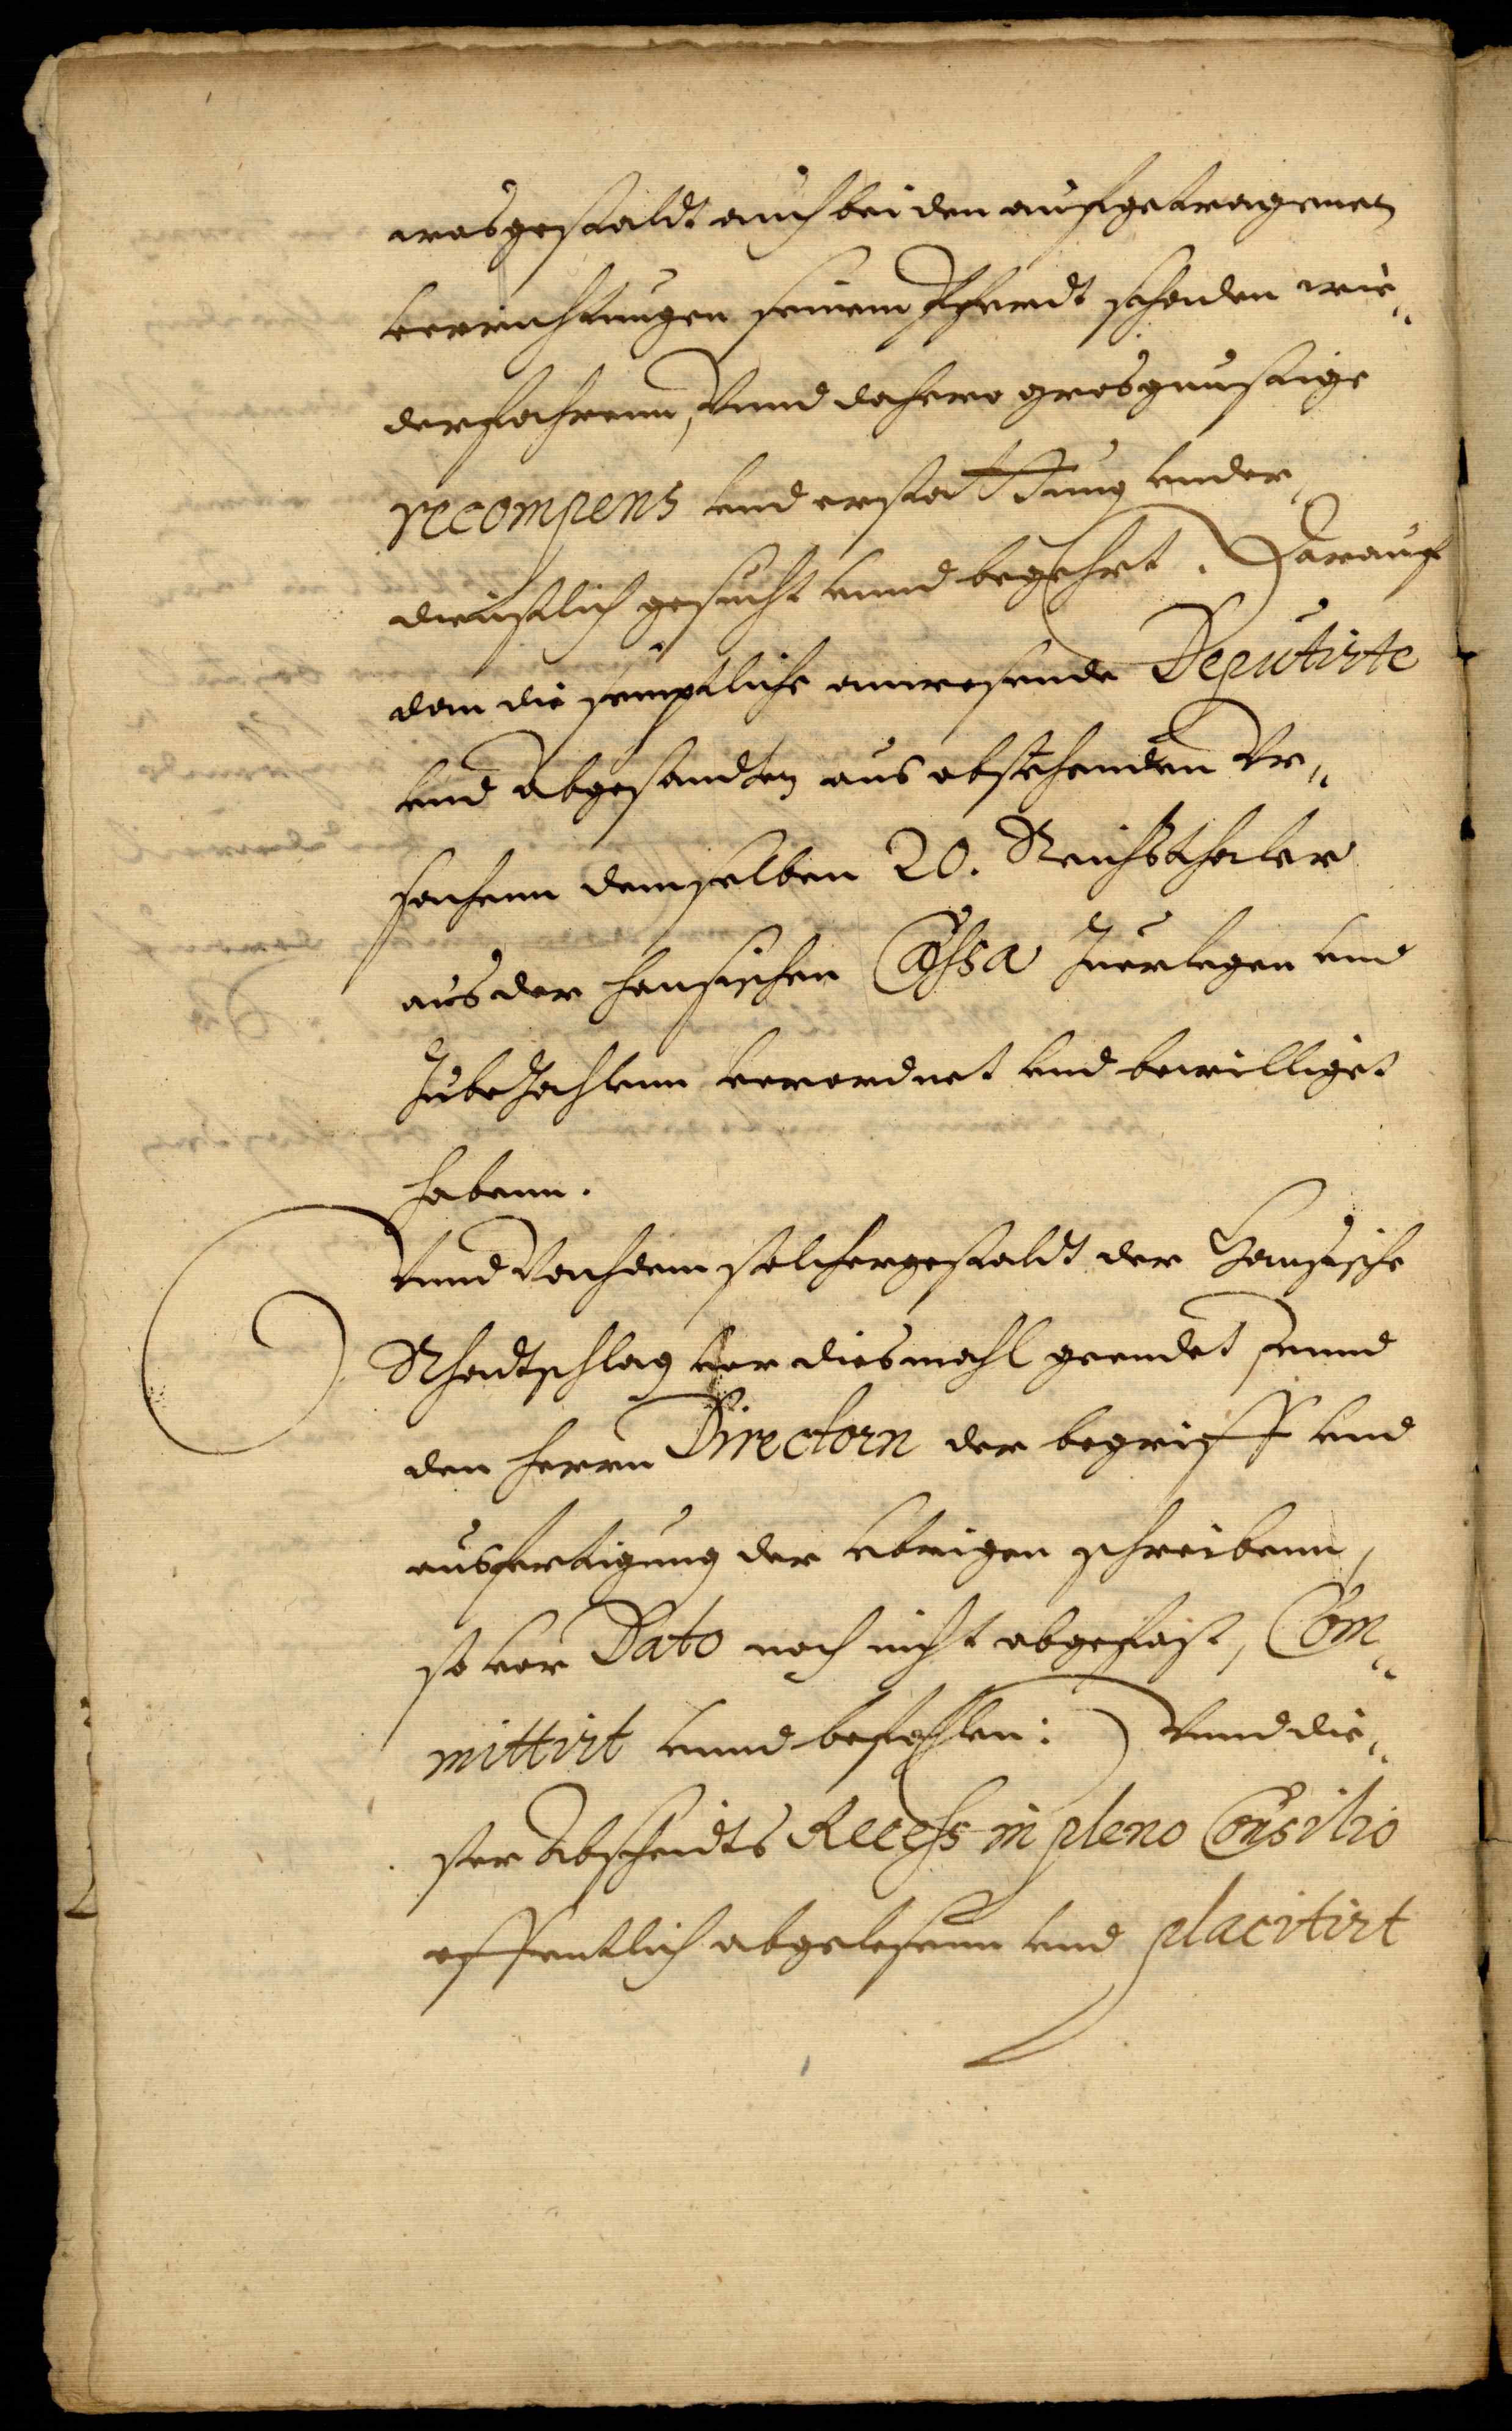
was gestaldt auch bei den aufgetragenen
verrichtungen seinem Pferdt schaden wie¬
derfahrenn, Vnnd dahero grosgunstige
recompens vnd erstattung vnder¬
dienstlich gesucht vnnd begehrt. Darauf
dan die semptliche anwesende Deputirte
vnd Abgesandten aus obstehenden Vr¬
sachenn demselben 20. Reichsthaler
aus der hansischen Cassa zuerlegen vnd
zubezahlenn verordnet vnd bewilliget
habenn.
Vnnd Nachdem solchergestaldt der Hansische
Rhadtschlag vor diesmahl geendet, vnnd
den herrn Directorn der begriff vnd
ausfertigung der vbrigen schreibenn,
so vor Dato noch nicht abgefaßt, Com¬
mittirt vnnd befohlen: Vnnd die¬
ßer Abscheidts Recess in pleno Consilio
offentlich abgelesenn vnnd placitirt
